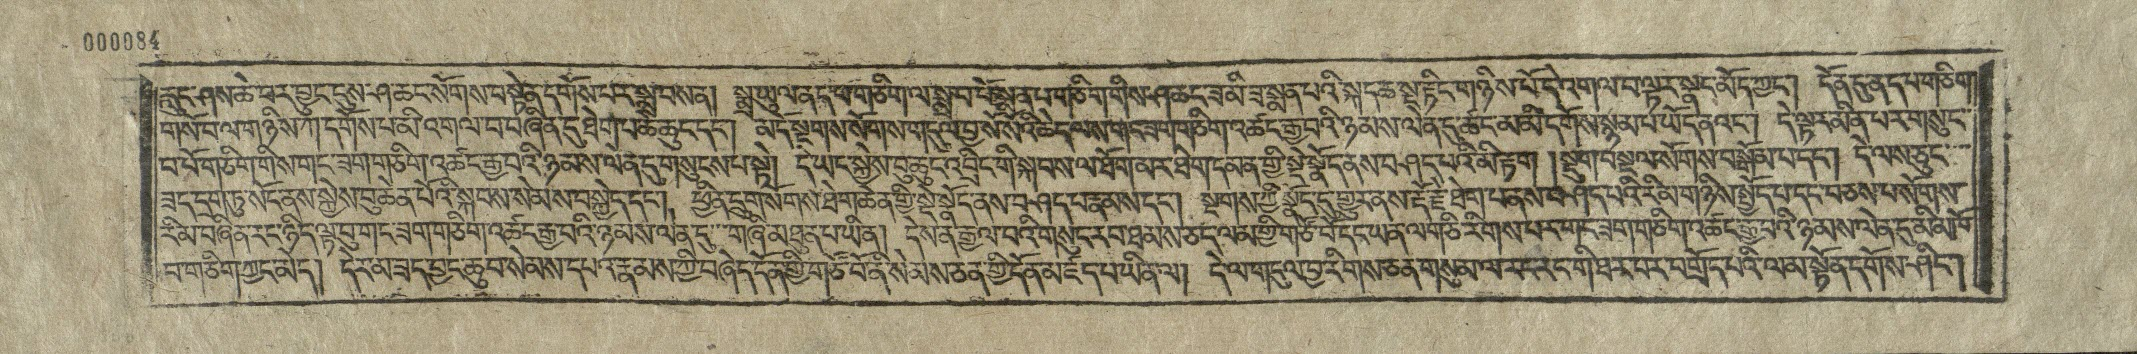རླུང་ཤས་ཆེ་བར་བྱུང་དུས་ཤ་ཆང་སོགས་བསྟེན་དགོས་པར་སྨྲ་བས་ན། སྨྲ་ཡུལ་ནད་པ་གཅིག་ལ་སྨྲ་བ་པོ་སྨན་པ་གཅིག་གིས་ཤ་ཆང་ཟ་མི་ཟ་སྨན་པའི་སྐད་ཆ་སྔ་རྟིང་གཉིས་པོ་དེ་འགལ་བ་ལྟར་སྣང་མོད་ཀྱང་། དོན་དུ་ནད་པ་གཅིག་
གསོ་བ་ལ་གཉིས་ཀ་དགོས་པ་མི་འགལ་བ་བཞིན་དུ་ཐེག་པ་ཆེ་ཆུང་དང་། མདོ་སྔགས་སོགས་གདུལ་བྱ་སོ་སོའི་ཆེད་ལས་གང་ཟག་གཅིག་འཚང་རྒྱ་བའི་ཉམས་ལེན་དུ་ཚང་མ་མི་དགོས་སྙམ་པ་ཡོད་ནའང་། དེ་ལྟར་མིན་པར་གསུང་
བ་པོ་གཅིག་གིས་གང་ཟག་གཅིག་འཚང་རྒྱ་བའི་ཉམས་ལེན་དུ་གསུངས་པ་སྟེ། དེ་ཡང་སྐྱེས་བུ་ཆུང་འབྲིང་གི་སྐབས་ལ་ཐོག་མར་ཐེག་དམན་གྱི་སྡེ་སྣོད་ནས་བཤད་པའི་མི་རྟག །སྡུག་བསྔལ་སོགས་བསྒོམ་པ་དང་། དེ་ལས་ཅུང་
ཟད་དྲག་ཏུ་སོང་ནས་སྐྱེས་བུ་ཆེན་པོའི་སྐབས་སེམས་བསྐྱེད་དང་། ཕྱིན་དྲུག་སོགས་ཐེག་ཆེན་གྱི་སྡེ་སྣོད་ནས་བཤད་པ་རྣམས་དང་། སྔགས་ཀྱི་སྣོད་དུ་གྱུར་ནས་རྡོ་རྗེ་ཐེག་པ་ནས་བཤད་པའི་རིམ་གཉིས་སྤྱོད་པ་དང་བཅས་པ་སོགས་
རིམ་བཞིན་རང་ཉིད་ལྟ་བུ་གང་ཟག་གཅིག་འཚང་རྒྱ་བའི་ཉམས་ལེན་དུ་གཞི་མཐུན་པ་ཡིན། དེས་ནི་རྒྱལ་བའི་གསུང་རབ་ཐམས་ཅད་ལམ་གྱི་གཙོ་བོ་དང་ཡན་ལག་ཅི་རིགས་པར་གང་ཟག་གཅིག་འཚང་རྒྱ་བའི་ཉམས་ལེན་དུ་མི་མཁོ་
བ་གཅིག་ཀྱང་མེད། དེར་མ་ཟད་བྱང་ཆུབ་སེམས་དཔའ་རྣམས་ཀྱི་བཞེད་དོན་གྱི་གཙོ་བོ་ནི་སེམས་ཅན་གྱི་དོན་མཛད་པ་ཡིན་ལ། དེ་ལ་གདུལ་བྱ་རིགས་ཅན་གསུམ་ལ་རང་རང་གི་ཐར་པར་བགྲོད་པའི་ལམ་སྟོན་དགོས་ཤིང་།